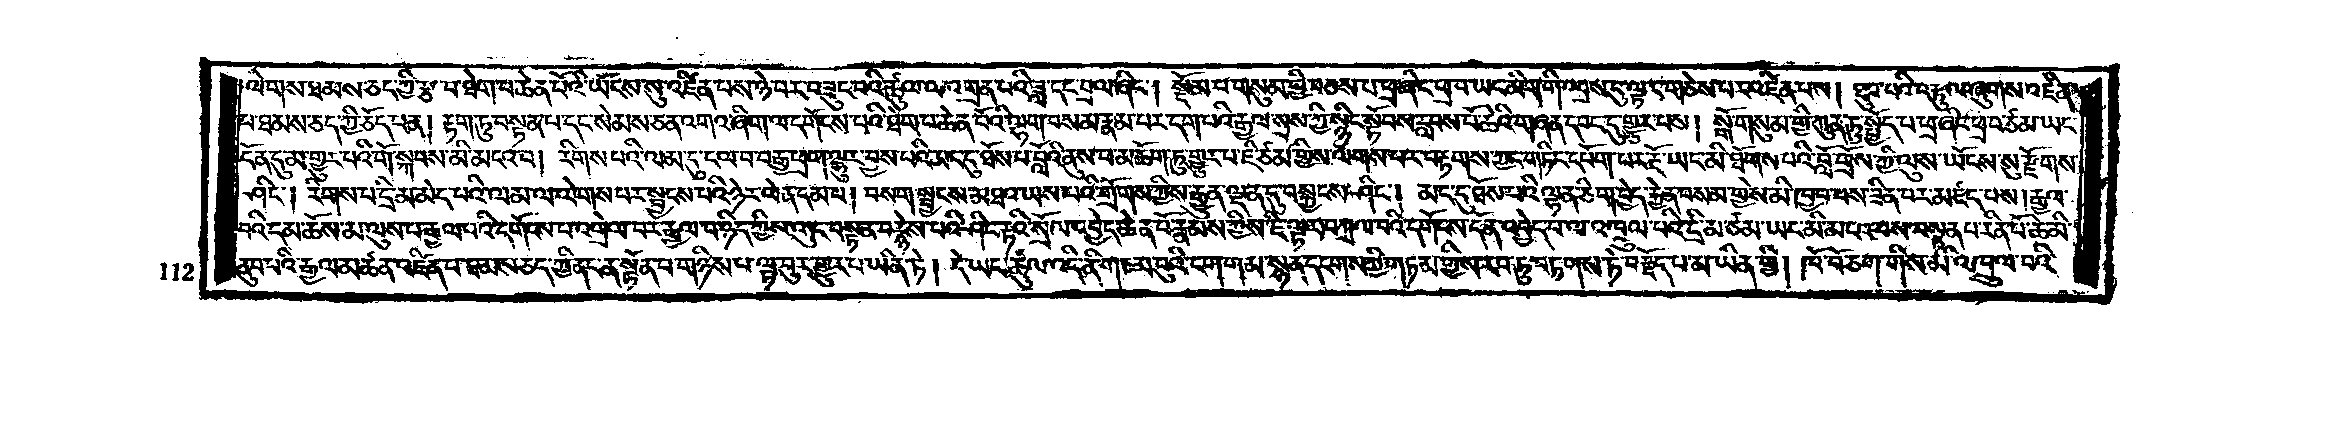ལེགས་ཐམས་ཅད་ཀྱི་རྩ་བ་ཐེག་པ་ཆེན་པོའི་ཡོངས་སུ་འཛིན་པས་ཉེ་བར་བཟུང་བའི་ཚུལ་ལ་འགྲན་པའི་ཟླ་དང་བྲལ་ཞིང་། སྡོམ་པ་གསུམ་གྱི་བཅས་པ་ཕྲ་ཞིང་ཕྲ་བ་ཡང་མིག་གི་འབྲས་བུ་ལྟ་བ་གཅེས་པར་འཛིན་པས། ཐུབ་པའི་བརྟུལ་ཞུགས་འཛིན་
པ་ཐམས་ཅད་ཀྱི་ཅོད་པན། རྟག་ཏུ་བསྟན་པ་དང་སེམས་ཅན་འགའ་ཞིག་ལ་དགོངས་པའི་ཐེག་པ་ཆེན་པོའི་ལྷག་བསམ་རྣམ་པར་དག་པའི་རྒྱལ་སྲས་ཀྱི་སྙིང་སྟོབས་རླབས་པོ་ཆེའི་གཞན་དབང་དུ་གྱུར་པས། སྒོ་གསུམ་གྱི་ཀུན་ཏུ་སྤྱོད་པ་ཕྲ་ཞིང་ཕྲ་བ་ཙམ་ཡང་
དོན་དུ་མ་གྱུར་པའི་གོ་སྐབས་མི་མངའ་བ། རིགས་པའི་ལམ་དུ་ངལ་བ་བརྒྱ་ཕྲག་ལྷུར་བྱས་པའི་མང་དུ་ཐོས་པ་བློའི་ནུས་པ་མཆོག་ཏུ་གྱུར་པ་ཇི་ཙམ་གྱིས་ལེགས་པར་བརྟགས་ཀྱང་གཏིང་དཔོག་པར་རྡོ་ཡང་མི་ཐོགས་པའི་བློ་གྲོས་ཀྱི་ལུས་ཡོངས་སུ་རྫོགས་
ཤིང་། རིགས་པ་དྲི་མ་མེད་པའི་ལམ་ལ་ལེགས་པར་སྦྱངས་པའི་ཉེར་ལེན་དམ་པ། བསག་སྦྱངས་མཐའ་ཡས་པའི་གྲོགས་ཀྱིས་རྒྱུན་ལྡན་དུ་བསྐྱངས་ཤིང་། མང་དུ་ཐོས་པའི་ལྷན་ཅིག་བྱེད་རྐྱེན་བསམ་གྱིས་མི་ཁྱབ་པས་ཟིན་པར་མཛད་པས། རྒྱལ་
བའི་དམ་ཆོས་མ་ལུས་པ་རྒྱལ་བའི་དགོངས་པ་འགྲེལ་པར་རྒྱལ་བ་ཉིད་ཀྱིས་ལུང་བསྟན་བརྙེས་པའི་ཤིང་རྟའི་སྲོལ་འབྱེད་ཆེན་པོ་རྣམས་ཀྱིས་ཇི་ལྟར་བཀྲལ་བའི་དགོངས་དོན་འབྱེད་པ་ལ་འཁྲུལ་པའི་དྲི་མ་ཙམ་ཡང་མི་མངའ་བས་བསྟན་པ་རིན་པོ་ཆེ་མི་
ནུབ་པའི་རྒྱལ་མཚན་འཛིན་པ་ཐམས་ཅད་ཀྱི་ནང་ན་སྟོན་པ་གཉིས་པ་ལྟ་བུར་གྱུར་པ་ཡིན་ཏེ། དེ་ཡང་ཚུལ་འདི་ནི་གཏམ་བུའི་ངག་གམ་སྙན་དངགས་ཀྱི་གཏམ་གྱིས་རབ་ཏུ་བཏགས་ཏེ་བརྗོད་པ་མ་ཡིན་གྱི། ཁོ་བོ་ཅག་གིས་མི་འཁྲུལ་བའི་